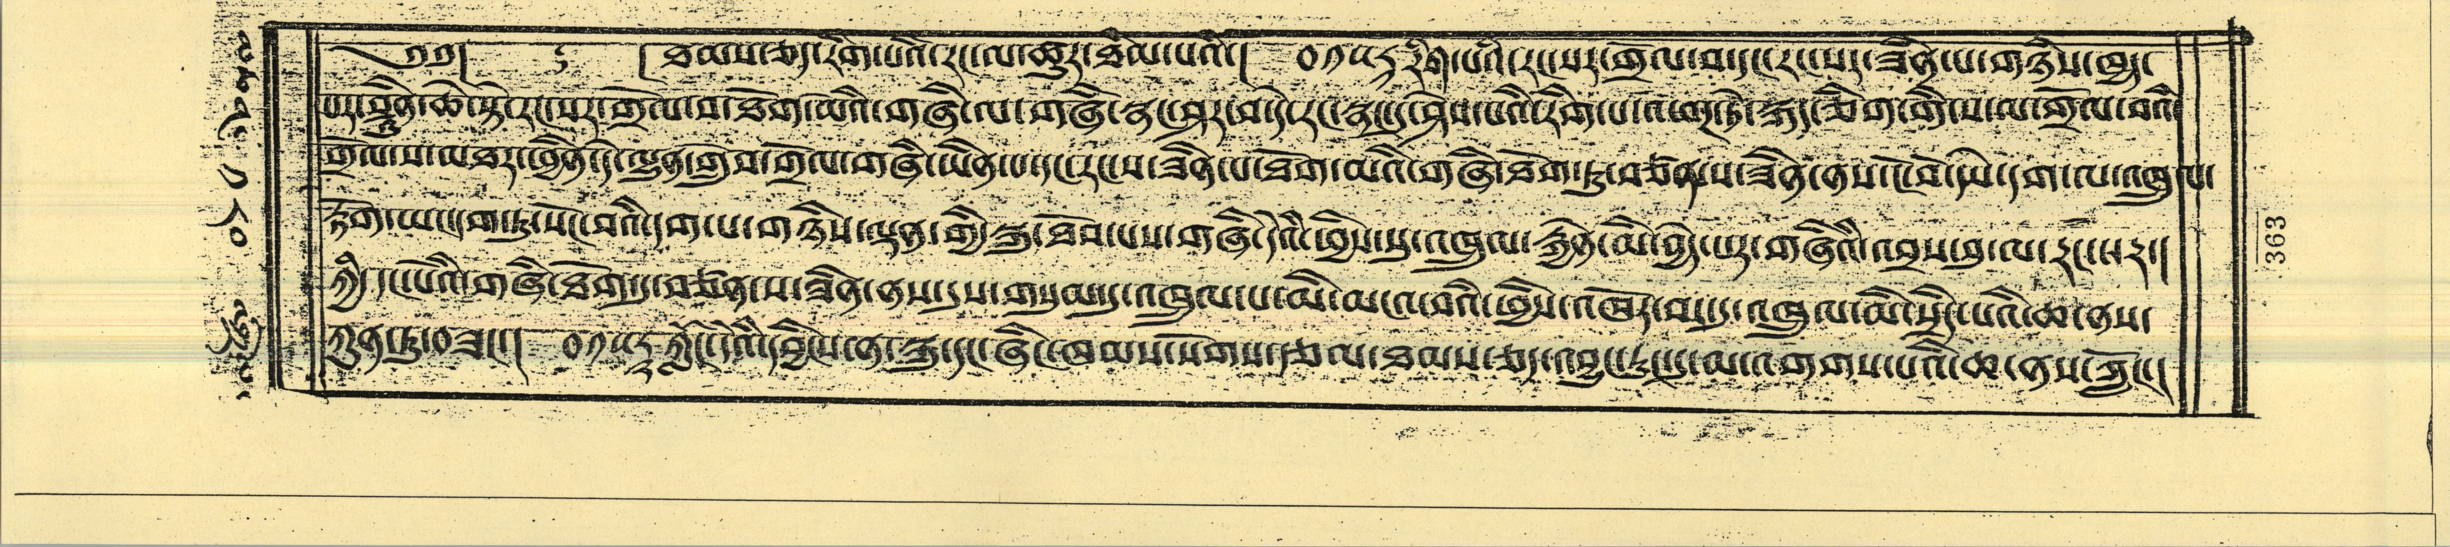ཐམས་ཅད་རིག་པའི་རང་ལ་ཚུལ་རིམ་པའི། བ༡༥༨།༡ ༼རིག་པའི་༽རང་སར་གྲོལ་བ་དང་རང་སར་ཟིན་པ་གཉིས་ཁྱད་
པར་ཤིན་ཏུ་ཆེ་སྟེ་རང་སར་གྲོལ་བ་ཐོག་མའི་གཞི་ལ་གཞི་སྣང་ཤར་བ་དེ་རང་སྣང་དུ་ཤེས་པའི་རིག་པ་འཕགས་ཏེ་སྐད་ཅིག་གི་ས་མ་གྲོལ་བའི་
གྲོལ་ས་མཐར་ཕྱིན་དེ་ལྷུན་གྲུབ་གྲོལ་གཞི་ཡིན་པ་དང་རང་ས་ཟིན་པ་ཐོག་མའི་གཞི་ཐོག་ཏུ་བཙན་ས་ཟིན་ནས་ངོ་བོ་ཡེ་དག་ལ་འཁྲུལ་
རྟོག་ཡང་དག་ཏུ་སོང་བའི་དག་པ་གཉིས་ལྡན་གྱི་སྐུ་ཐོབ་པས་གཞི་དེའི་ཕྱིས་སུ་འཁྲུལ་རྐྱེན་མི་བྱེད་པར་གཞིའི་འབྲས་བུ་ལ་ ༼རང་སར་
ཀྱི་༽དང་པོའི་གཞི་ཐོག་ཏུ་བཙུན་ས་ཟིན་ནས་དུས་གསུམ་དུ་འཁྲུལ་པ་མི་མངའ་བའི་ཕྱིས་འཁོར་བར་དུ་འཁྲུལ་མི་སྲིད་པའི་ཆ་ནས་ 
༼ཀུན་ཏུ་བཟང།༽བ༡༥༨།༢ ༼ཀློང་༽དེའི་དབྱིངས་ན་སྐུ་དང་ཞིང་ཁམས་སོགས་རྩལ་ཐམས་ཅད་འབྱུང་རུང་དུ་མ་འགགས་པའི་ཆ་ནས་ཀློང།